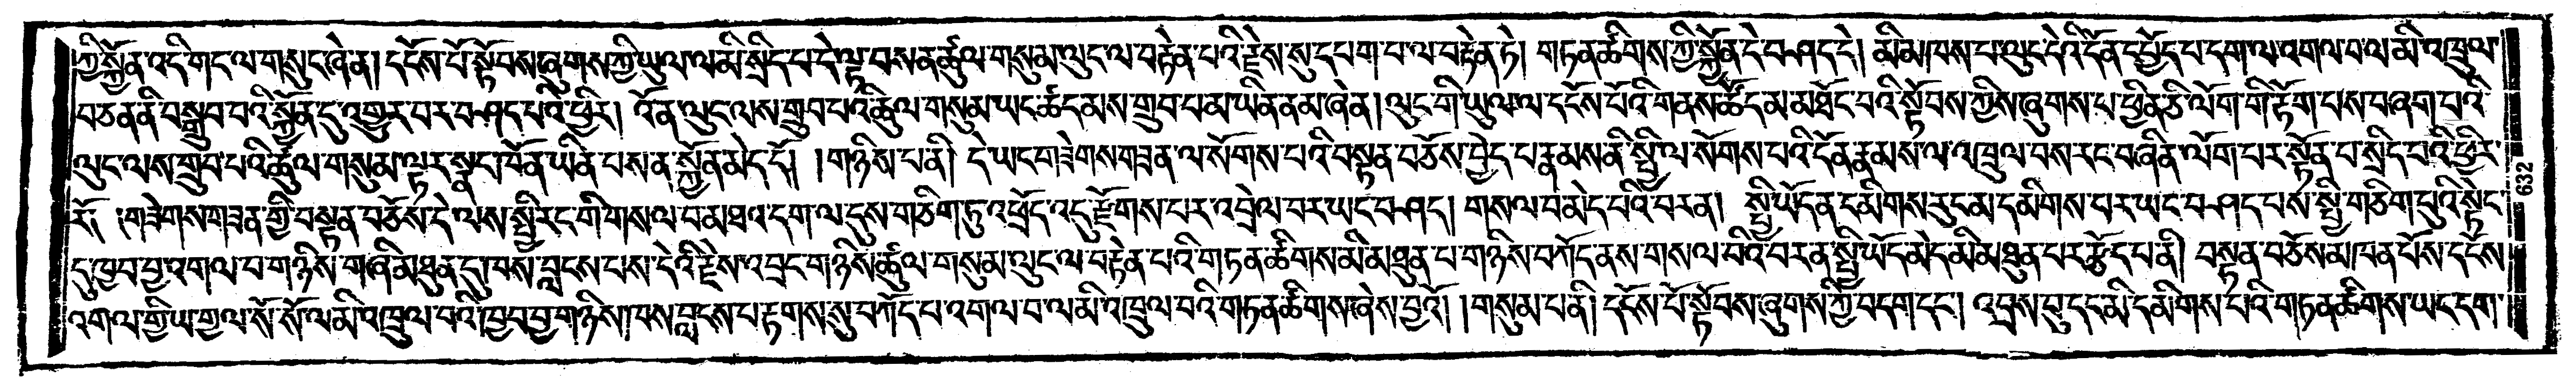ཀྱི་སྐྱོན་འདི་གང་ལ་གསུང་ཞེ་ན། དངོས་པོ་སྟོབས་ཞུགས་ཀྱི་ཡུལ་ལ་མི་སྲིད་པ་དེ་ལྟ་བས་ན་ཚུལ་གསུམ་ལུང་ལ་བརྟེན་པའི་རྗེས་སུ་དཔག་པ་ལ་བརྟེན་ཏེ། གཏན་ཚིགས་ཀྱི་སྐྱོན་དེ་བཤད་དེ། མི་མཁས་པ་ལུང་དེའི་དོན་དཔྱོད་པ་དག་ལ་འགལ་བ་ལ་མི་འཁྲུལ་
བ་ཅན་ནི་བསྒྲུབ་པའི་སྐྱོན་དུ་འགྱུར་བར་བཤད་པའི་ཕྱིར། འོ་ན་ལུང་ལས་གྲུབ་པའི་ཆུལ་གསུམ་ཡང་ཚད་མས་གྲུབ་པ་མ་ཡིན་ནམ་ཞེ་ན། ལུང་གི་ཡུལ་ལ་དངོས་པོའི་གནས་ཚོད་མ་མཐོང་བའི་སྟོབས་ཀྱིས་ཞུགས་པའི་ཕྱིན་ཅི་ལོག་གི་རྟོག་པས་བཞག་པའི་
ལུང་ལས་གྲུབ་པའི་ཚུལ་གསུམ་ལྟར་སྣང་ཁོ་ན་ཡིན་པས་ན་སྐྱོན་མེད་དོ། །གཉིས་པ་ནི། དེ་ཡང་གཟེགས་གཟན་ལ་སོགས་པའི་བསྟན་བཅོས་བྱེད་པ་རྣམས་ནི་སྤྱི་ལ་སོགས་པའི་དོན་རྣམས་ལ་འཁྲུལ་བས་རང་བཞིན་ལོག་པར་སྟོན་པ་སྲིད་པའི་ཕྱིར་
རོ༑ ༑གཟེགས་གཟན་གྱི་བསྟན་བཅོས་དེ་ལས་སྤྱི་རང་གི་གསལ་བ་མཐའ་དག་ལ་དུས་གཅིག་ཏུ་འཕྲོད་འདུ་རྫོགས་པར་འབྲེལ་བར་ཡང་བཤད། གསལ་བ་མེད་པའི་བར་ན། སྤྱི་ཡོད་ན་དམིགས་རུང་མ་དམིགས་པར་ཡང་བཤད་པས་སྤྱི་གཅིག་པུའི་སྟེང་
དུ་ཁྱབ་བྱ་འགལ་བ་གཉིས་གཞི་མཐུན་དུ་ཁས་བླངས་པས་དེའི་རྗེས་འབྲང་གཉིས་ཚུལ་གསུམ་ལུང་ལ་བརྟེན་པའི་གཏན་ཚིགས་མི་མཐུན་པ་གཉིས་བཀོད་ནས་གསལ་བའི་བར་ན་སྤྱི་ཡོད་མེད་མི་མཐུན་པར་རྩོད་པ་ནི། བསྟན་བཅོས་མཁན་པོས་དངོས་
འགལ་གྱི་ཡ་གྱལ་སོ་སོ་ལ་མི་འཁྲུལ་བའི་ཁྱབ་བྱ་གཉིས་ཁས་བླངས་པ་རྟགས་སུ་བཀོད་པ་འགལ་བ་ལ་མི་འཁྲུལ་བའི་གཏན་ཚིགས་ཞེས་བྱའོ། །གསུམ་པ་ནི། དངོས་པོ་སྟོབས་ཞུགས་ཀྱི་བདག་དང་། འབྲས་བུ་དང་མི་དམིགས་པའི་གཏན་ཚིགས་ཡང་དག་